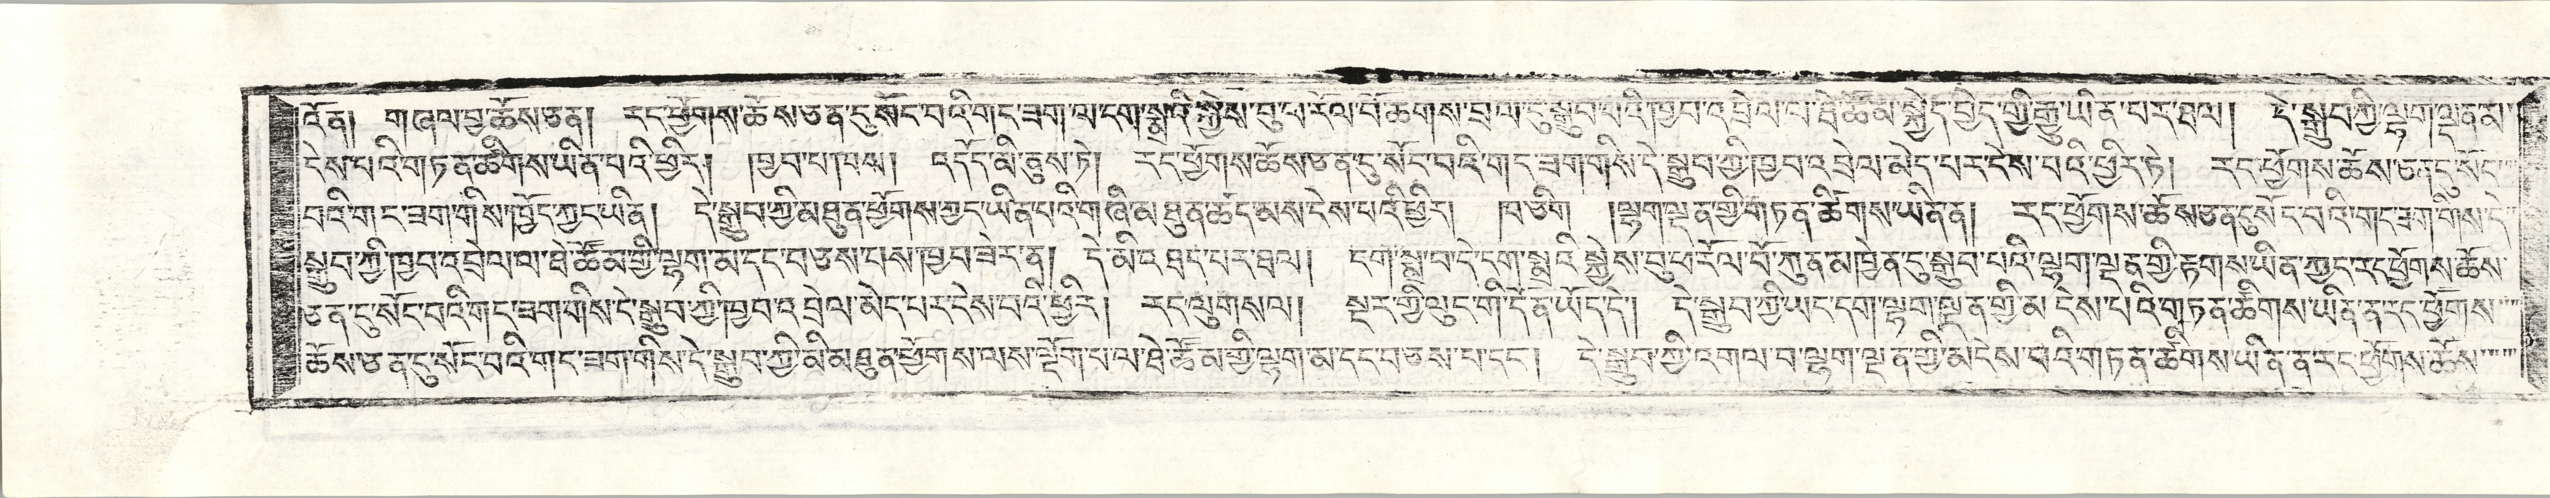འོ་ན། གཞལ་བྱ་ཆོས་ཅན། རང་ཕྱོགས་ཆོས་ཅན་དུ་སོང་བའི་གང་
ཟག་ལ་ངག་སྨྲའི་སྐྱེས་བུ་ཕ་རོལ་བོ་ཆགས་བྲལ་དུ་སྒྲུབ་པའི་ཁྱབ་འབྲེལ་ལ་ཐེ་ཚོམ་སྐྱེད་བྱེད་ཀྱི་རྒྱུ་ཡིན་པར་ཐལ། དེ་སྒྲུབ་ཀྱི་ལྷག་ལྡན་མ་ངེས་པའི་གཏན་ཚིགས་ཡིན་པའི་ཕྱིར། ཁྱབ་པ་ཁས། འདོད་མི་ནུས་ཏེ། རང་ཕྱོགས་ཆོས་ཅན་དུ་སོང་བའི་གང་
ཟག་གིས་དེ་སྒྲུབ་ཀྱི་ཁྱབ་འབྲེལ་མེད་པར་ངེས་པའི་ཕྱིར་ཏེ། རང་ཕྱོགས་ཆོས་ཅན་དུ་སོང་བའི་གང་ཟག་གིས་ཁྱོད་ཀྱང་ཡིན། དེ་སྒྲུབ་ཀྱི་མཐུན་ཕྱོགས་ཀྱང་ཡིན་པའི་གཞི་མཐུན་ཚད་མས་ངེས་པའི་ཕྱིར། ཁ་ཅིག །ལྷག་ལྡན་གྱི་གཏན་ཚིགས་ཡིན་ན།རང་ཕྱོགས་ཆོས་ཅན་དུ་སོང་བའི་གང་ཟག་གིས་དེ་སྒྲུབ་ཀྱི་ཁྱབ་འབྲེལ་ལ་ཐེ་ཚོམ་གྱི་ལྷག་མ་དང་བཅས་པས་ཁྱབ་ཟེར་ན། དེ་མི་འཐད་པར་ཐལ། ངག་སྨྲ་བ་དེ་ངག་སྨྲའི་སྐྱེས་བུ་ཕ་རོལ་བོ་ཀུན་མཁྱེན་དུ་སྒྲུབ་པའི་ལྷག་ལྡན་གྱི་རྟགས་ཡིན་
ཀྱང་རང་ཕྱོགས་ཆོས་ཅན་དུ་སོང་བའི་གང་ཟག་གིས་དེ་སྒྲུབ་ཀྱི་ཁྱབ་འབྲེལ་མེད་པར་ངེས་པའི་ཕྱིར། །རང་ལུགས་ལ། སྔར་གྱི་ལུང་གི་དོན་ཡོད་དེ། དེ་སྒྲུབ་ཀྱི་ཡང་དག་ལྷག་ལྡན་གྱི་མ་ངེས་པའི་གཏན་ཚིགས་ཡིན་ན་རང་ཕྱོགས་ཆོས་ཅན་དུ་སོང་
བའི་གང་ཟག་གིས་དེ་སྒྲུབ་ཀྱི་མི་མཐུན་ཕྱོགས་ལས་ལྡོག་པ་ལ་ཐེ་ཚོམ་གྱི་ལྷག་མ་དང་བཅས་པ་དང་། དེ་སྒྲུབ་ཀྱི་འགལ་བ་ལྷག་ལྡན་གྱི་མ་ངེས་པའི་གཏན་ཚིགས་ཡིན་ན་རང་ཕྱོགས་ཆོས་